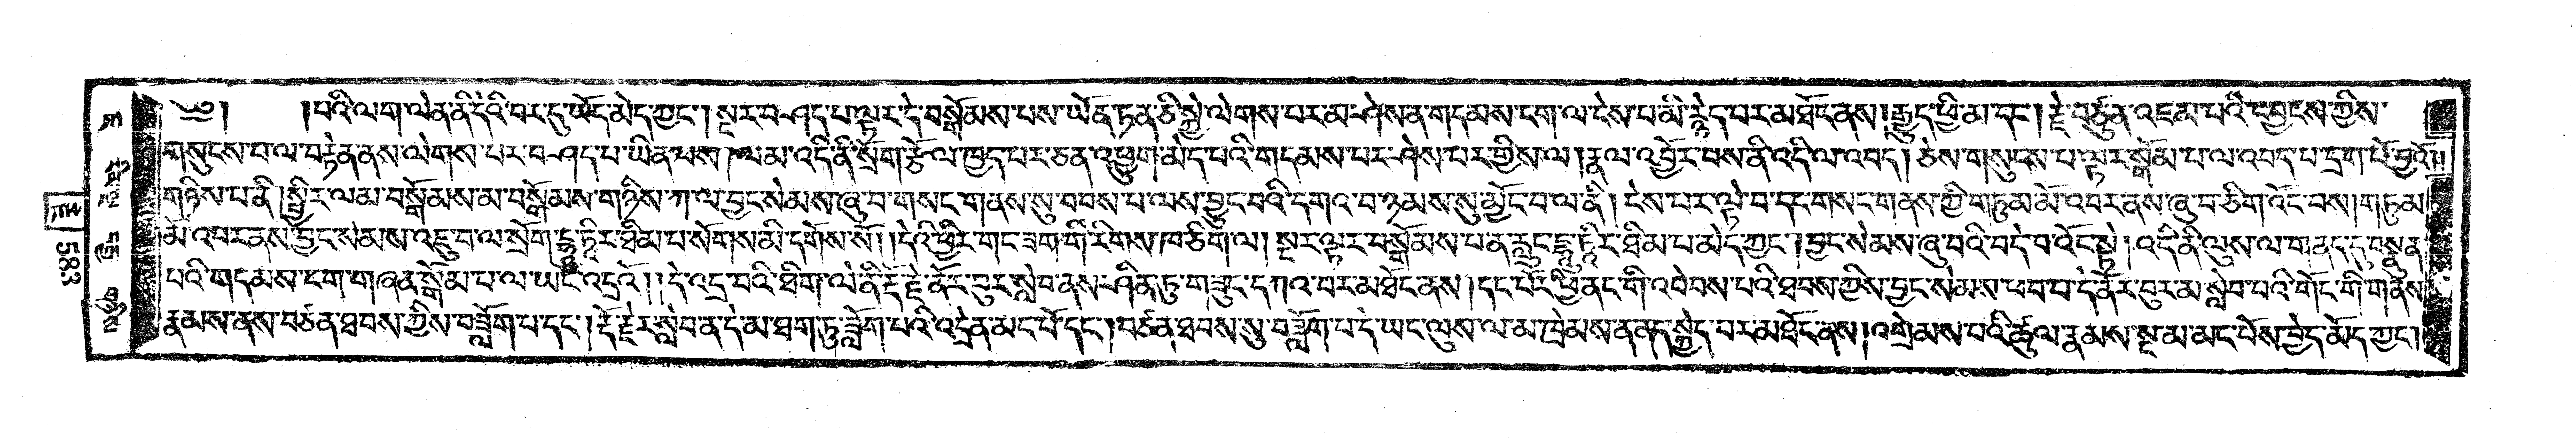༄༅། །བའི་ལག་ལེན་ནི་དེའི་བར་དུ་ཡོད་མེད་ཀྱང་། སྔར་བཤད་པ་ལྟར་དེ་བསྒོམས་པས་ཡོན་ཏན་ཅི་སྐྱེ་ལེགས་པར་མ་ཤེས་ན་གདམས་ངག་ལ་ངེས་པ་མི་རྙེད་པར་མཐོང་ནས། རྒྱུད་ཕྱི་མ་དང་། རྗེ་བཙུན་འཇམ་པའི་དབྱངས་ཀྱིས་
གསུངས་པ་ལ་བརྟེན་ནས་ལེགས་པར་བཤད་པ་ཡིན་པས། ལམ་འདི་ནི་སྲོག་རྩོལ་ཁྱད་པར་ཅན་འཕྱུག་མེད་པའི་གདམས་པར་ཤེས་པར་གྱིས་ལ། རྣལ་འབྱོར་པས་ནི་འདི་ལ་འབད། ཅེས་གསུངས་པ་ལྟར་སྒོམ་པ་ལ་འབད་པ་དྲག་པོ་བྱའོ། །
གཉིས་པ་ནི། སྤྱིར་ལམ་བསྒོམས་མ་བསྒོམས་གཉིས་ཀ་ལ་བྱང་སེམས་ཞུ་བ་གསང་གནས་སུ་བབས་པ་ལས་བྱུང་བའི་དགའ་བ་ཉམས་སུ་མྱོང་བ་ལ་ནི། ངེས་པར་ལྟེ་བ་དང་གསང་གནས་ཀྱི་གཏུམ་མོ་འབར་ནས་ཞུ་བ་ཅིག་འོང་བས། གཏུམ་
མོ་འབར་ནས་བྱང་སེམས་འཇུ་བ་ལ་སྲོག་དྷཱུ་ཏཱིར་ཐིམ་པ་སོགས་མི་དགོས་སོ། །དེའི་ཕྱིར་གང་ཟག་གི་རིགས་ཁ་ཅིག་ལ། སྔར་ལྟར་བསྒོམས་པ་ན་རླུང་དྷཱུ་ཏཱིར་ཐིམ་པ་མེད་ཀྱང་། བྱང་སེམས་ཞུ་བའི་བདེ་བ་འོང་སྟེ། འདི་ནི་ལུས་ལ་གནད་དུ་བསྣུན་
པའི་གདམས་ངག་གཞན་སྒོམ་པ་ལ་ཡང་འདྲའོ། །དེ་འདྲ་བའི་ཐིག་ལེ་ནི་རྡོ་རྗེ་ནོར་བུར་སླེབ་ནས་ཤིན་ཏུ་གཟུང་དཀའ་བར་མཐོང་ནས། དང་པོར་ཕྱི་ནང་གི་འབེབས་པའི་ཐབས་ཀྱིས་བྱང་སེམས་ཕབ་པ་དེ་ནོར་བུར་མ་སློབ་པའི་གོང་གི་གནས་
རྣམས་ནས་བཙན་ཐབས་ཀྱིས་བཟློག་པ་དང་། རྡོ་རྗེར་སླེབ་ན་དེ་མ་ཐག་ཏུ་ཟློག་པའི་འདྲེན་མང་པོ་དང་། བཅན་ཐབས་སུ་བཟློག་པ་དེ་ཡང་ལུས་ལ་མ་ཁྲེམས་ན་ནད་སྐྱེད་པར་མཐོང་ནས། འགྲེམས་པའི་ཚུལ་རྣམས་སྔ་མ་མང་པོས་བྱེད་མོད་ཀྱང་།